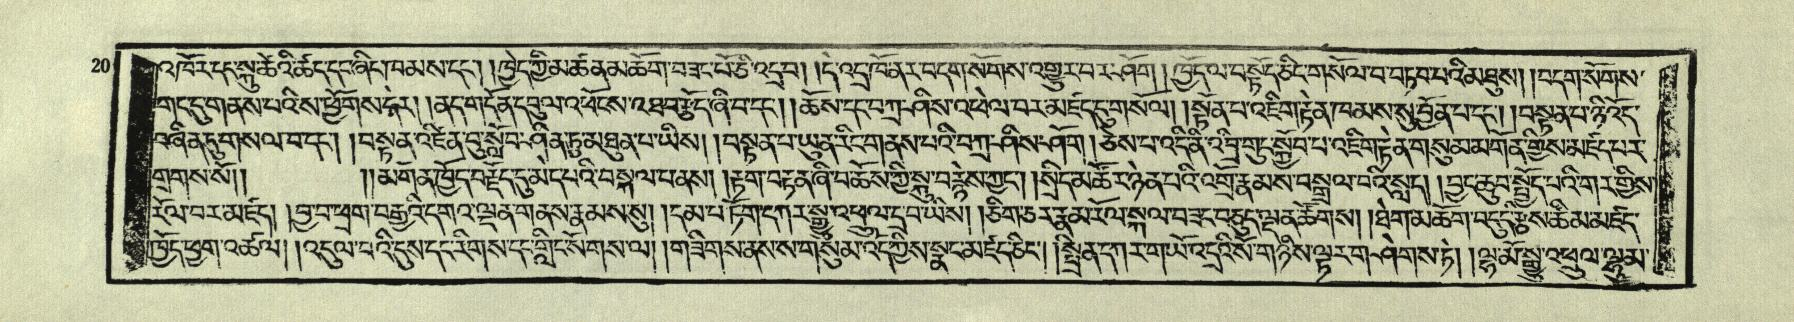འཁོར་དང་སྐུ་ཚེའི་ཚད་དང་ཞིང་ཁམས་དང་། །ཁྱེད་ཀྱི་མཚན་མཆོག་བཟང་པོ་ཅི་འདྲ་བ། །དེ་འདྲ་ཁོ་ནར་བདག་སོགས་འགྱུར་བར་ཤོག །ཁྱོད་ལ་བསྟོད་ཅིང་གསོལ་བ་བཏབ་པའི་མཐུས། །བདག་སོགས་
གང་དུ་གནས་པའི་ས་ཕྱོགས་དེར། །ནད་གདོན་དབུལ་འཕོངས་འཐབ་རྩོད་ཞི་བ་དང་། །ཆོས་དང་བཀྲ་ཤིས་འཕེལ་བར་མཛད་དུ་གསོལ། །སྟོན་པ་འཇིག་རྟེན་ཁམས་སུ་བྱོན་པ་དང་། །བསྟན་པ་ཉི་འོད་
བཞིན་དུ་གསལ་བ་དང་། །བསྟན་འཛིན་བུ་སློབ་ཤིན་ཏུ་མཐུན་པ་ཡིས། །བསྟན་པ་ཡུན་རིང་གནས་པའི་བཀྲ་ཤིས་ཤོག །ཅེས་པ་འདི་ནི་འབྲི་གུང་སྐྱོབ་པ་འཇིག་རྟེན་གསུམ་མགོན་གྱིས་མཛད་པར་
གྲགས་སོ།། །།མགོན་ཁྱོད་བརྗོད་དུ་མེད་པའི་བསྐལ་པ་ནས། །རྟག་བརྟན་ཞི་བ་ཆོས་ཀྱི་སྐུ་བརྙེས་ཀྱང་། །སྲིད་མཚོར་ཉེན་པའི་འགྲོ་རྣམས་བསྒྲལ་བའི་སླད། །བྱང་ཆུབ་སྤྱོད་པའི་གར་གྱིས་
རོལ་བར་མཛད། །བྱ་བ་ཕྲག་བརྒྱའི་དགའ་ལྡན་གནས་རྣམས་སུ། །དམ་པ་ཏོག་དཀར་སྒྱུ་འཕྲུལ་དྲ་བ་ཡིས། །ཅིག་ཅར་རྣམ་རོལ་སྐལ་བཟང་བཅུད་ལྡན་ཚོགས། །ཐེག་མཆོག་བདུད་རྩིས་ཚིམ་མཛད་
ཁྱོད་ཕྱག་འཚལ། །འདུལ་བའི་དུས་དང་རིགས་དང་གླིང་སོགས་ལ། །གཟིགས་ནས་ས་གསུམ་འོད་ཀྱིས་སྣང་མཛད་ཅིང་། །སྤྲིན་དཀར་གཡོ་འདྲའི་སོ་གཉིས་ལྟར་གཤེགས་ཏེ། །ལྷ་མོ་སྒྱུ་འཕྲུལ་ལྷུམ་